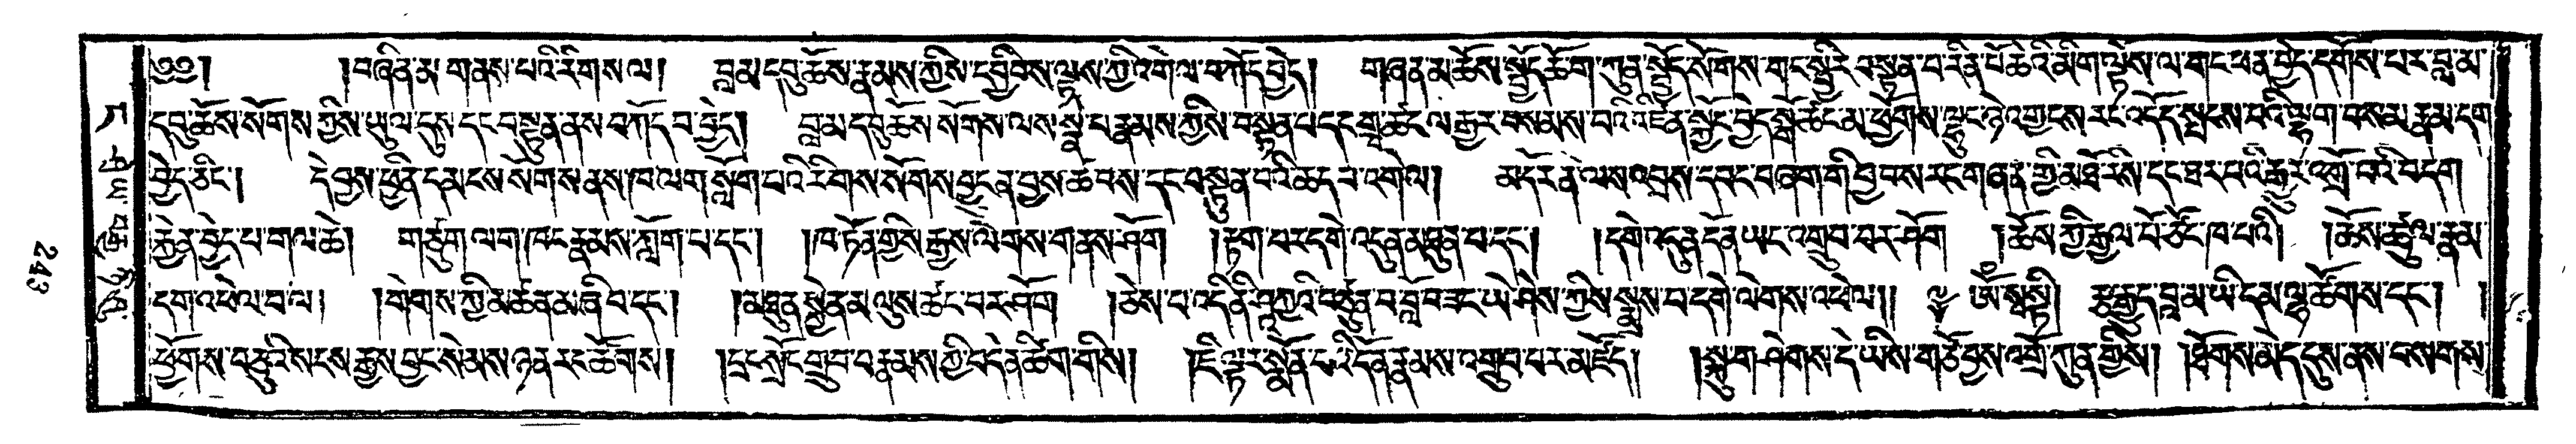༄༅། །བཞིན་མ་གནས་པའི་རིགས་ལ། བླ་མ་དབུ་ཆོས་རྣམས་ཀྱིས་དབྱིབས་ལྟས་ཀྱི་འགེལ་བཀོད་བྱེད། གཞན་མ་ཆོས་སྦྱོད་ཆོ་ག་ཀུན་སྤྱོད་སོགས་གང་སྦྱིར་བསྟན་བ་རིན་པོ་ཆེའི་མིག་ལྟོས་ལ་གང་ཕན་བྱེད་དགོས་པར་བླ་མ་
དབུ་ཆོས་སོགས་ཀྱིས་ཡུལ་དུས་དང་བསྟུན་ནས་བཀོད་བ་བྱེད། བླ་མ་དབུ་ཆོས་སོགས་ལས་སྣེ་པ་རྣམས་ཀྱིས་བསྟན་པ་དང་གྲྭ་ཚང་ལ་རྒྱར་བསམས་བའི་འཛིན་སྐྱོང་བྱེད་སྒོ་ཚང་མ་ཕྱོགས་ལྷུང་ཉེ་འགྱངས་རང་འདོད་སྤངས་བའི་ལྷག་བསམ་རྣམ་དག་
བྱེད་ཅིང་། དེ་བྱས་ཕྱིན་དམངས་སོགས་ནས་ཁ་ལག་སློག་པའི་རིགས་སོགས་བྱུང་ན་བྱས་ཚབས་དང་བསྟུན་བའི་ཆད་པ་འགྲེལ། མདོར་ན་ལས་འབྲས་དབང་བཞག་གི་བྱ་བས་རང་གཞན་གྱི་མཐོ་རིས་དང་ཐར་པའི་རྒྱུར་འགྲོ་བའི་བདག་
རྐྱེན་བྱེད་པ་གལ་ཆེ། གཙུག་ལག་ཁང་རྣམས་ཀློག་པ་དང་། །ཁ་ཏོན་གྱིས་རྒྱས་ལེགས་གནས་ཤོག །རྟག་བར་དགེ་འདུན་མཐུན་པ་དང་། །དགེ་འདུན་དོན་ཡང་འགྲུབ་བར་ཤོག །ཆོས་ཀྱི་རྒྱལ་པོ་ཙོང་ཁ་པའི། །ཆོས་ཚུལ་རྣམ་
དག་འཕེལ་བ་ལ། །གེགས་ཀྱི་མཚན་མ་ཞི་བ་དང་། །མཐུན་སྐྱེན་མ་ལུས་ཚང་བར་ཤོག །ཅེས་པ་འདི་ནི་ཤཱཀྱའི་བཙུན་བ་བློ་བཟང་ཡེ་ཤེས་ཀྱིས་སྨྲས་པ་དགེ་ལེགས་འཕེལ།། ༈ ཨོཾ་སྭསྟི། རྩ་རྒྱུད་བླ་མ་ཡི་དམ་ལྷ་ཚོགས་དང་། །
ཕྱོགས་བཅུའི་སངས་རྒྱས་བྱང་སེམས་ཉན་རང་ཚོགས། །དྲང་སྲོང་གྲུབ་བ་རྣམས་ཀྱི་བདེན་ཚིག་གིས། །ཇི་ལྟར་སྨོན་པའི་དོན་རྣམས་འགྲུབ་པར་མཛོད། །སྐུ་གཤེགས་དེ་ཡིས་གཙོ་བྱས་འགྲོ་ཀུན་གྱིས། །ཐོགས་མེད་དུས་ནས་བསགས་